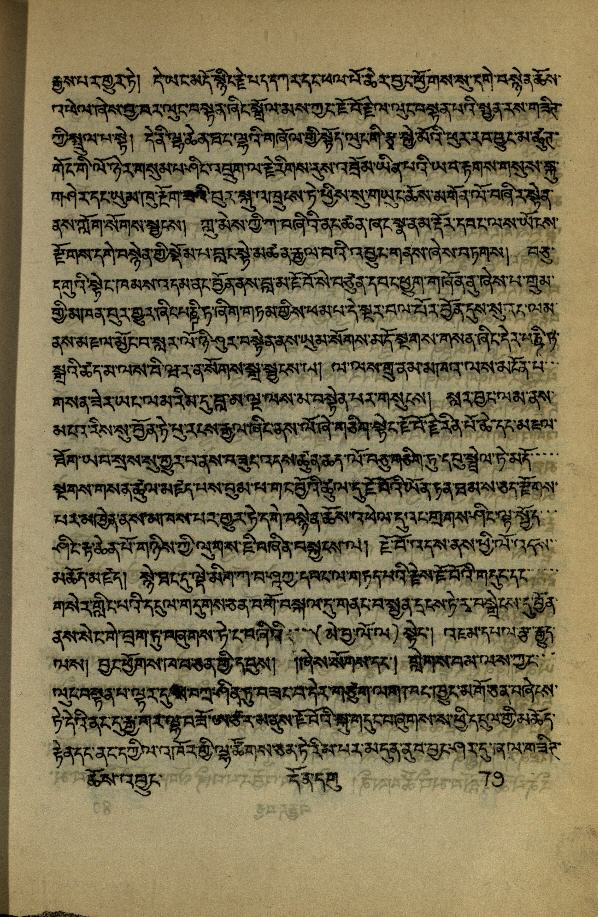རྒྱས་པར་གྱུར་ཏེ། དེ་ཡང་མདོ་སྙིང་རྗེ་པ་དཀར་དང་ཕལ་པོ་ཆེར་བྱང་ཕྱོགས་སུ་དགེ་བསྙེན་ཆོས་
འཕེལ་ཞེས་བྱ་བར་ལུང་བསྟན་ཞིང་སྒྲོལ་མས་ཀྱང་ཇོ་བོ་རྗེ་ལ་ལུང་བསྟན་པའི་སྤྱན་རས་གཟིཊ་
ཀྱི་སྤྲུལ་པ་སྟེ། དེ་ནི་ལྷ་ཆེན་ཐང་ལྷའི་གཞོལ་གྱི་སྟོད་ལུང་གི་རྩྭ་སྐྱེ་མོའི་ཕུར་རབ་བྱུང་མ་ཚུཊ་
གོང་གི་ལོ་ཉེར་གསུམ་པ་ཤིང་འབྲུག་ལ་རྗེ་རིགས་རུས་འབྲོམ་ཡིན་པའི་ཡབ་རྟགས་གསུས་སྐུ་
གཤེར་དང་ཡུམ་ཁུ་རྔོག་ཟའི་བུར་སྐུ་འཁྲུངས་ཏེ་ཕྱིས་སུ་གཡུང་ཆོས་མགོན་ལོ་བཞིར་སྟེན་
ནས་ཀློག་སོགས་སྦྱངས། ཀླུ་མེས་ཀྱི་ཀ་བཞིའི་ནང་ཚན་ཞང་སྣ་ནམ་རྡོར་དབང་ལས་ཡོངས་
རྫོགས་དགེ་བསྙེན་གྱི་སྡོམ་པ་བླང་སྟེ་མཚན་རྒྱལ་བའི་འབྱུང་གནས་ཞེས་བཏགས། བཅུ་
དགུའི་སྟེང་ཁམས་འདམ་ནང་བྱོན་ནས་བླ་མ་ཇོ་བོ་སེ་བཙུན་དབང་ཕྱུག་གཞོན་ནུ་ཞེས་པ་གྲུམ་
གྱི་མཁན་བུར་གྱུར་ཞིང་པཎྜི་ཏ་ཞིག་གཏམ་གྱིས་ཕམ་པ་དེ་སྔར་བལ་པོར་བྱོན་དུས་སུའང་ལམ་
ནས་མཇལ་མྱོང་བ་སླར་ལོ་ཉི་ཤུར་བསྟེན་ནས་ཡུམ་སོགས་མདོ་སྔགས་གསན་ཞིང་དེར་པཎྜི་ཏ་
སྒྲའི་ཚད་མ་ལས་བི་ཝར་ན་སོགས་སྒྲ་སྦྱངས་ལ། ལ་ལས་གྲུ་ནམ་མཁའ་ལས་མངོན་པ་
གསན་ཟེར་ཡང་ལམ་རིམ་དུ་བླ་མ་ལྔ་ལས་མ་བསྟེན་པར་གསུངས། སླར་བྱང་ལམ་ནས་
མངའ་རིས་སུ་བྱོན་ཏེ་པུ་རངས་རྒྱལ་ཞིང་ནས་ལོ་ཞེ་གཅིག་སྟེང་ཇོ་བོ་རྗེ་རིན་པོ་ཆེ་དང་མཇལ་
ཐོག་ཡབ་སྲས་སུ་གྱུར་པ་ནས་བཟུང་འདས་ཚུན་ཆད་ལོ་བཅུ་གཅིག་ཏུ་དབུ་སྦྲེལ་ཏེ་མདོ་
སྔགས་གསན་ཚུལ་མཛད་པས་བུམ་པ་གང་བྱོའི་ཚུལ་དུ་ཇོ་བོའི་ཡོན་ཏན་ཐམས་ཅད་རྫོགས་
པར་མཁྱེན་ནས་མཁས་པར་གྱུར་ཏེ་དགེ་བསྙེན་ཆོས་འཕེལ་དུའང་གྲགས་ཤིང་ལྟ་སྤྱོད་
ཤིང་རྟ་ཆེན་པོ་གཉིས་ཀྱི་ལུགས་ཇི་བཞིན་བསྐྱངས་ལ། ཇོ་བོ་འདས་ནས་ཕྱི་ལོ་འདས་
མཆོད་མཛད། སྙེ་ཐང་དུ་ལྡེ་མིག་ཀ་བ་ཤཱཀྱ་དབང་ལ་གཏད་པའི་རྗེས་ཇོ་བོའི་གདུང་དང་
གསེར་གླིང་པའི་དངུལ་གདུགས་ཅན་བགོ་བསྐལ་དུ་གནང་བ་སྤྱན་དྲངས་ཏེ་རྭ་བསྒྲེངས་དུ་བྱོན་
ནས་སེང་གེ་བྲག་ཏུ་བཞུགས་ཏེ་ང་བཞིའི་མེ་བྱ་ལོ་ལ་སྟེང་། འཇམ་དཔལ་རྩ་རྒྱུད་
ལས། བྱང་ཕྱོགས་ཁ་བ་ཅན་གྱི་དབུས། །ཞེས་སོགས་དང་། གླེགས་བམ་ལས་ཀྱང་
ལུང་བསྟན་པ་ལྟར་དུས་བཀྲ་ཤིན་ཏུ་བཟང་བ་དེར་གཙུག་ལག་ཁང་ཁྱུང་མགོ་ཅན་བཞེངས་
ཏེ་དེའི་ནང་དུ་རྒྱ་གར་ལྷ་བཟོ་ཨ་ཙ་ར་མ་ནུས་ཇོ་བོའི་སྐུ་གདུང་བཞུགས་ས་ཕྱི་དངུལ་གྱི་མཆོད་
རྟེན་དང་ནང་དཀྱིལ་འཁོར་གྱི་ལྷ་ཚོགས་ཅན་ཏེ་རིམ་པར་མདུན་ནུབ་བྱང་ཤར་དུ་ཞལ་གཟིཊ་